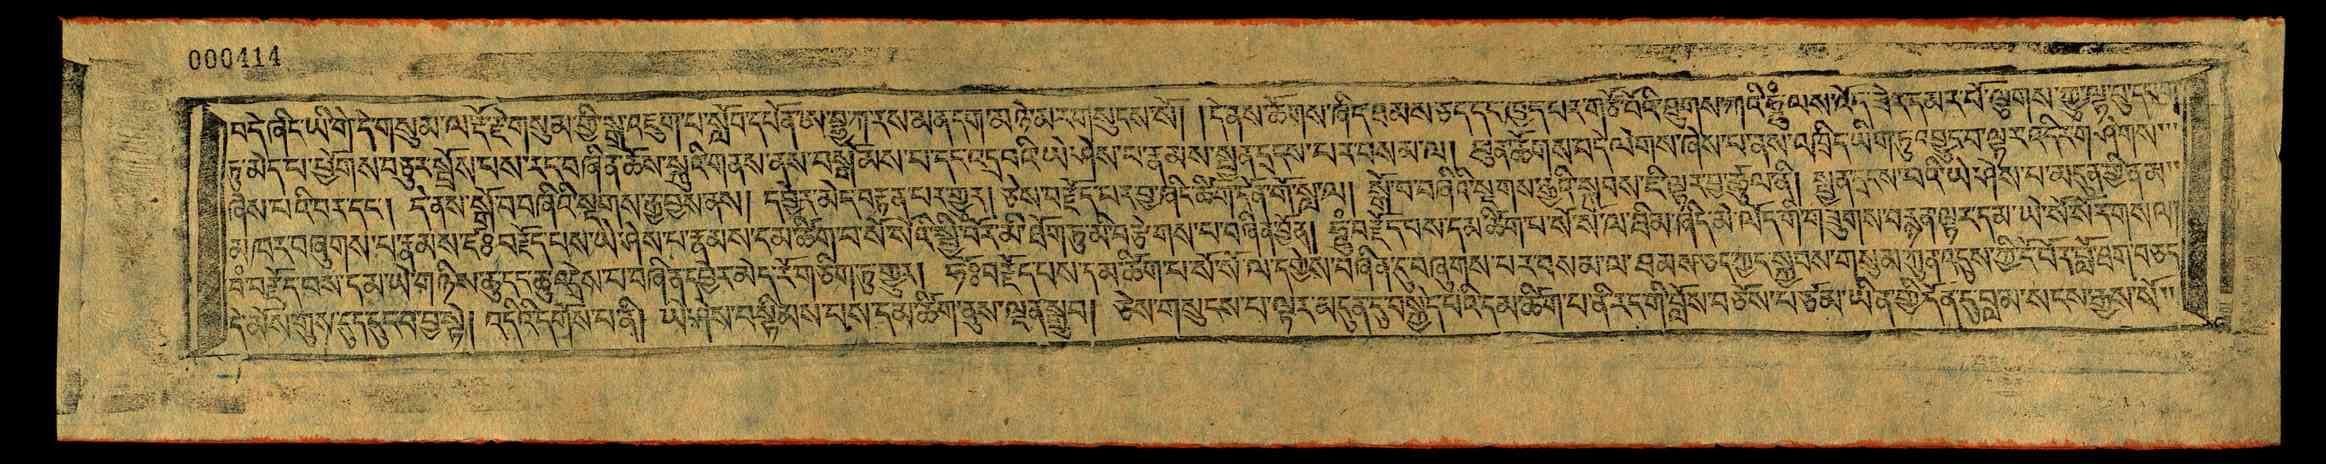བདེ་ཞིང་ཡི་གེ་དེ་གསུམ་ལ་རྡོ་རྗེ་གསུམ་གྱི་སྒྲ་འཇུག་པ་སློབ་དཔོན་ཨ་བྷ་ཀ་རས་མན་ངག་མཉེ་མར་གསུངས་སོ། །དེ་ནས་ཚོགས་ཞིང་ཐམས་ཅད་དང་ཁྱད་པར་གཙོ་བོའི་ཐུགས་ཀའི་ཧཱུཾ་ལས་འོད་ཟེར་དམར་པོ་ལྕགས་ཀྱུ་ལྟ་བུ་དཔག་
ཏུ་མེད་པ་ཕྱོགས་བཅུར་སྤྲོས་པས་རང་བཞིན་ཆོས་སྐུའི་གནས་ནས་བསྒོམས་པ་དང་འདྲ་བའི་ཡེ་ཤེས་པ་རྣམས་སྤྱན་དྲངས་པར་བསམ་ལ། ཕུན་ཚོགས་བདེ་ལེགས་ཞེས་པ་ནས་འཁྲིད་ཡིག་ཏུ་འབྱུང་བ་ལྟར་འདིར་གཤེགས་
ཞེས་པའི་བར་དང་། དེ་ནས་སྒོ་བ་བཞིའི་སྔགས་རྒྱ་བྱས་ནས། དབྱེར་མེད་བརྟན་པར་གྱུར། ཅེས་བརྗོད་པར་བྱ་ཞིང་ཚིག་དོན་གོ་སླ་ལ། སྒོ་བ་བཞིའི་སྔགས་རྒྱའི་སྐབས་ཇི་ལྟར་བྱ་ཚུལ་ནི། སྤྱན་དྲངས་པའི་ཡེ་ཤེས་པ་མདུན་གྱི་ནམ་
མཁར་བཞུགས་པ་རྣམས་ཛཿ བརྗོད་པས་ཡེ་ཤེས་པ་རྣམས་དམ་ཚིག་པ་སོ་སོའི་སྤྱི་བོར་མི་ཐོག་ཏུ་མི་བརྩེགས་པ་བཞིན་བྱོན། ཧཱུཾ་བརྗོད་པས་དམ་ཚིག་པ་སོ་སོ་ལ་ཐིམ་ཞིང་མེ་ལོང་གི་གཟུགས་བརྙན་ལྟར་དམ་ཡེ་སོ་སོར་གསལ།
བཾ་བརྗོད་པས་དམ་ཡེ་གཉིས་ཆུ་དང་ཆུ་འདྲེས་པ་བཞིན་དབྱེར་མེད་རོ་གཅིག་ཏུ་གྱུར། ཧོཿ བརྗོད་པས་དམ་ཚིག་པ་སོ་སོ་ལ་དགྱེས་བཞིན་དུ་བཞུགས་པར་བསམ་ལ་ཐམས་ཅད་ཀྱང་སྐྱབས་གསུམ་ཀུན་འདུས་ཀྱི་ངོ་བོར་བློ་ཐག་བཅད་
དེ་མོས་གུས་དུང་དུང་བ་བྱ་སྟེ། འདིའི་དགོས་པ་ནི། ཡེ་ཤེས་བསྟིམས་པས་དམ་ཚིག་ནུས་ལྡན་སྒྲུབ། ཅེས་གསུངས་པ་ལྟར་མདུན་དུ་བསྐྱེད་པའི་དམ་ཚིག་པ་ནི་རང་གི་བློས་བཅོས་པ་ཙམ་ཡིན་གྱི་དོན་དུ་བླ་མ་སང་རྒྱས་སོགས་